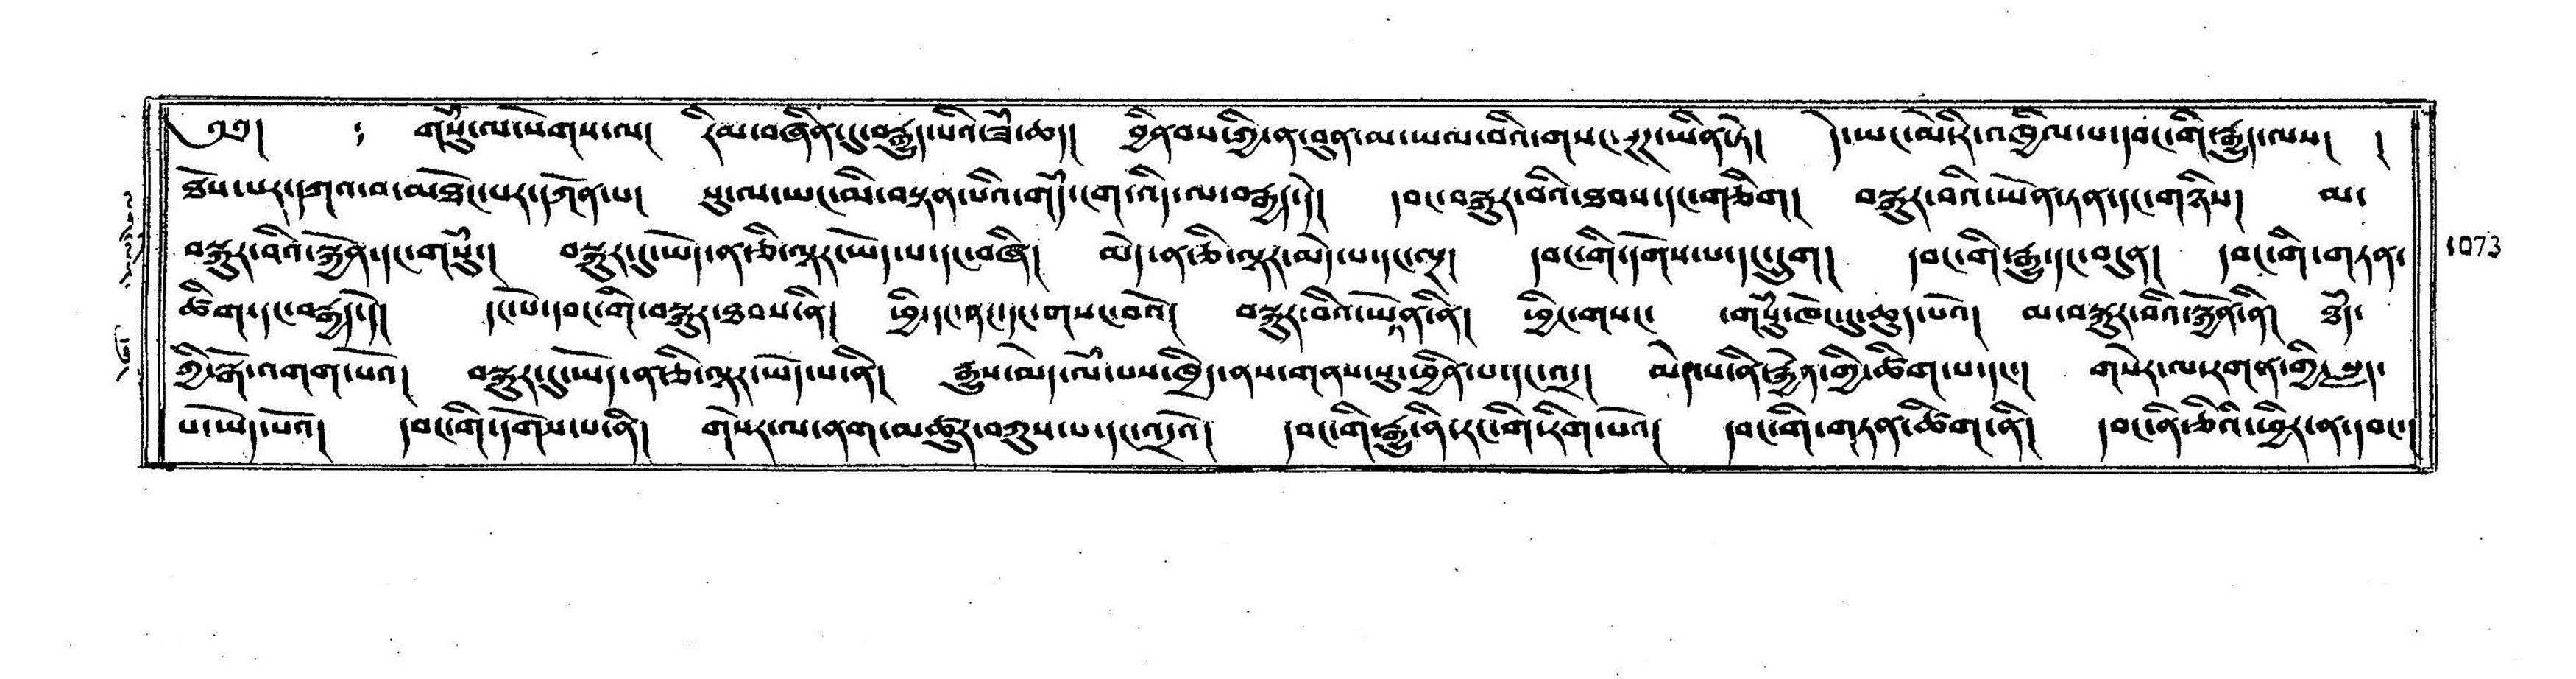གསུམ་ལ་སོགས་ལ། རིམ་བཞིན་དུ་བརྒྱུད་པའི་ཟམ་ཆད། བྱིན་རླབས་ཀྱི་ན་བུན་མ་ཡལ་བའི་གསང་སྔགས་ཡིན་ཏེ། དེ་ཡང་མེ་རི་འཁྱིལ་པ་དབང་གི་རྒྱུད་ལས། 
ཐོས་པར་དཀའ་བ་མཐོང་པར་དཀོན་པ། སུ་ལ་ཡང་མི་བསྟན་པའི་གདམ་ངག་འདི་ལ་བརྒྱད་དེ། དབང་བསྐུར་བའི་ཐབས་དང་གཅིག བསྐུར་བའི་ཡོན་ཏན་དང་གཉིས། མ་
བསྐུར་བའི་སྐྱོན་དང་གསུམ། བསྐུར་དུ་ཡོད་ན་ཅི་ལྟར་ཡོད་པ་དང་བཞི། མེད་ན་ཅི་ལྟར་མེད་པ་དང་ལྔ། དབང་གི་དགོས་པ་དང་དྲུག དབང་གི་རྒྱུ་དང་བདུན། དབང་གི་གཏན་
ཚིག་དང་བརྒྱད་དོ། དང་པོ་དབང་གི་བསྐུར་ཐབས་ནི། ཕྱི་དང་ནང་དང་གསང་བའོ། བསྐུར་བའི་ཡོན་ཏན་ནི། ཕྱི་ནང་གསང་གསུམ་ཁོང་དུ་ཆུད་པའོ། མ་བསྐུར་བའི་སྐྱོན་ནི། ཐམས་ཅད་
ཀྱི་སྒོ་འགག་པའོ། བསྐུར་དུ་ཡོད་ན་ཅི་ལྟར་ཡོད་པ་ནི། རྒྱུས་མེད་ལམ་པས་ཁྲིད་ནས་གནས་སུ་ཕྱིན་པ་དང་འདྲ། མེད་པ་ནི་རྐྱེན་གྱི་ཚིག་པ་དང་། གསེར་ལ་ར་གན་གྱི་བསླད་
པ་ཡོད་པའོ། དབང་གི་དགོས་པ་ནི། གསེར་ལ་ནག་མཚུར་བཀུས་པ་དང་འདྲའོ། དབང་གི་རྒྱུ་ནི་རང་གི་རིག་པའོ། དབང་གི་གཏན་ཚིག་ནི། དབང་ནི་ཅིའི་ཕྱིར་ན་དབང་